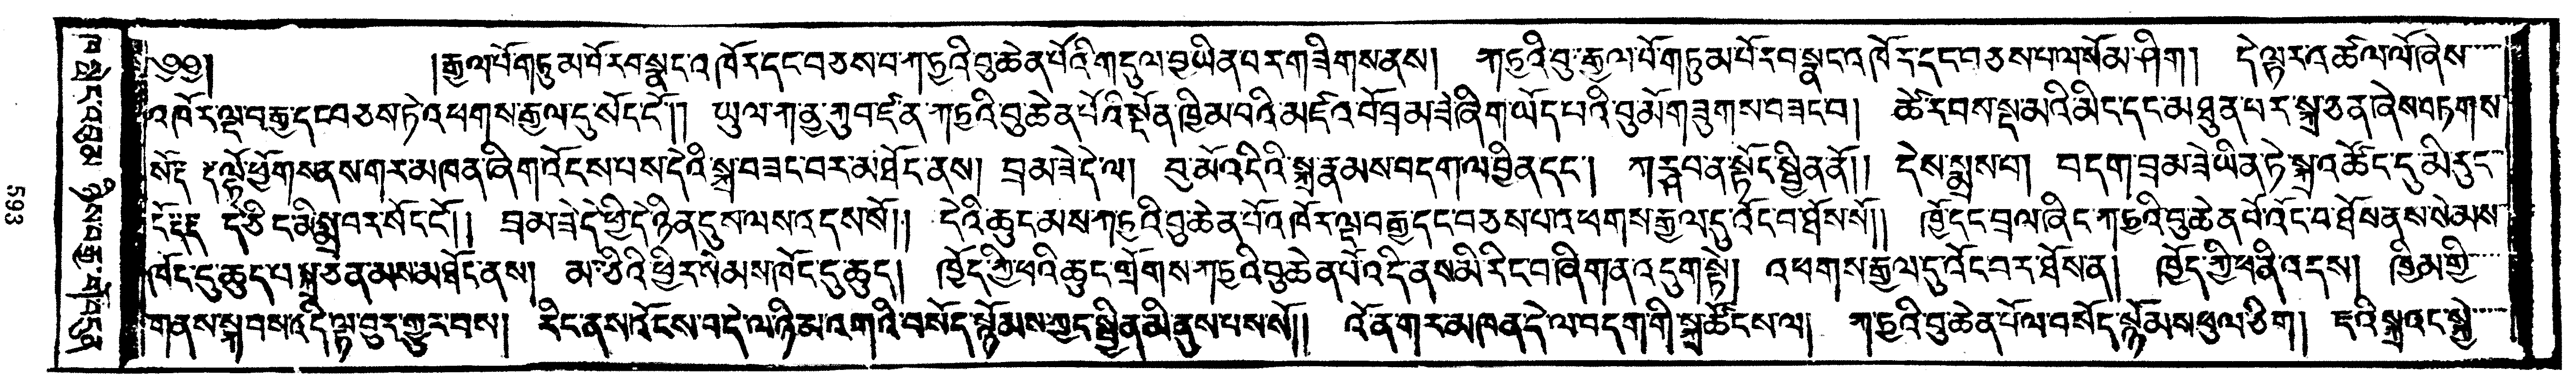༄༅། །རྒྱལ་པོ་གཏུམ་བོ་རབ་སྣང་འཁོར་དང་བཅས་པ་ཀ་ཏྱའི་བུ་ཆེན་པོའི་གདུལ་བྱ་ཡིན་པར་གཟིགས་ནས། ཀ་ཏྱའི་བུ་རྒྱལ་པོ་གཏུམ་པོ་རབ་སྣང་འཁོར་དང་བཅས་པ་ལ་སོམ་ཤིག། དེ་ལྟར་འཚལ་ལོ་ཞེས་
འཁོར་ལྔ་བརྒྱ་དང་བཅས་ཏེ་འཕགས་རྒྱལ་དུ་སོང་ངོ།། ཡུལ་ཀ་ཉ་ཀུ་བ་ཛ་ན་ཀ་ཏྱའི་བུ་ཆེན་པོའི་སྔོན་ཁྱིམ་བའི་མཛའ་བོ་བྲམ་ཟེ་ཞིག་ཡོད་པའི་བུ་མོ་གཟུགས་བཟང་བ། ཚེ་རབས་སྡ་མའི་མིང་དང་མཐུན་པར་སྐྲ་ཅན་ཞེས་བཏགས་
སོ༑ ༑ལྷོ་ཕྱོགས་ནས་གར་མཁན་ཞིག་འོངས་པས་དེའི་སྐྲ་བཟང་བར་མཐོང་ནས། བྲམ་ཟེ་དེ་ལ། བུ་མོ་འདིའི་སྐྲ་རྣམས་བདག་ལ་བྱིན་དང་། ཀརྴ་པ་ན་སྟོང་སྦྱིན་ནོ།། དེས་སྨྲས་པ། བདག་བྲམ་ཟེ་ཡིན་ཏེ་སྐྲ་འཚོང་དུ་མི་རུང་
ངོ༑༑ དེ་ཅིང་མི་སྨྲ་བར་སོང་ངོ།། བྲམ་ཟེ་དེ་ཕྱི་དེ་ཉིན་དུས་ལས་འདས་སོ།། དེའི་ཆུང་མས་ཀ་ཏྱའི་བུ་ཆེན་པོ་འཁོར་ལྔ་བརྒྱ་དང་བཅས་པ་འཕགས་རྒྱལ་དུ་འོང་བ་ཐོས་སོ།། ཁྱོད་དང་བྲལ་ཞིང་ཀ་ཏྱའི་བུ་ཆེན་པོ་འོང་བ་ཐོས་ནས་སེམས་
ཁོང་དུ་ཆུད་པ་སྐྲ་ཅན་མས་མཐོང་ནས། མ༑ ཅིའི་ཕྱིར་སེམས་ཁོང་དུ་ཆུད། ཁྱོད་ཀྱི་ཕའི་ཆུང་གྲོགས་ཀ་ཏྱའི་བུ་ཆེན་པོ་འདི་ནས་མི་རིང་བ་ཞིག་ན་འདུག་སྟེ། འཕགས་རྒྱལ་དུ་འོང་བར་ཐོས་ན། ཁྱོད་ཀྱི་ཕ་ནི་འདས། ཁྱིམ་གྱི་
གནས་སྐབས་འདི་ལྟ་བུར་གྱུར་བས། རིང་ནས་འོངས་བ་དེ་ལ་ཉི་མ་འགའི་བསོད་སྙོམས་ཀྱང་སྦྱིན་མི་ནུས་པས་སོ།། འོ་ན་གར་མཁན་དེ་ལ་བདག་གི་སྐྲ་ཚོངས་ལ། ཀ་ཏྱའི་བུ་ཆེན་པོ་ལ་བསོད་སྙོམས་ཕུལ་ཅིག། ཇའི་སྐྲའང་སྐྱེ་